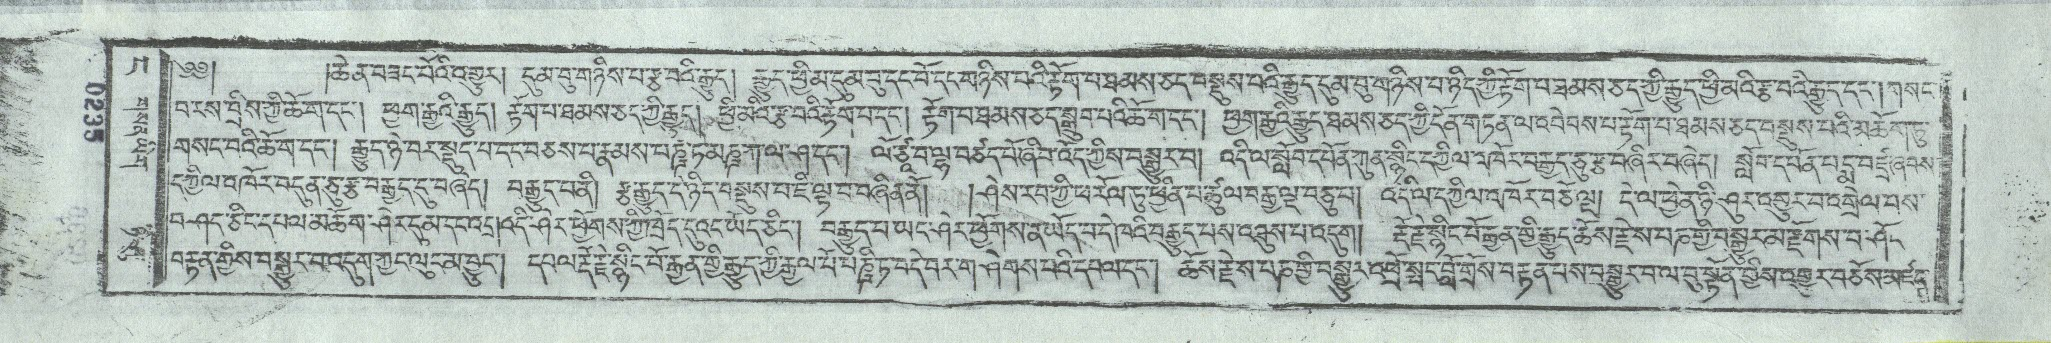༄༅། །ཆེན་བཟང་པོའི་འགྱུར། དུམ་བུ་གཉིས་པ་རྩ་བའི་རྒྱུད། རྒྱུད་ཕྱི་མ་དུམ་བུ་དང་པོ་དང་གཉིས་པའི་རྟོག་པ་ཐམས་ཅད་བསྡུས་པའི་རྒྱུད་དུམ་བུ་གཉིས་པ་ཉིད་ཀྱི་རྟོག་པ་ཐམས་ཅད་ཀྱི་རྒྱུད་ཕྱི་མའི་རྩ་བའི་རྒྱུད་དང་། གསང་
བར་ས་བྲིས་ཀྱི་ཆོག་དང་། ཕྱག་རྒྱའི་རྒྱུད། རྟོག་པ་ཐམས་ཅད་ཀྱི་རྒྱུད། ཕྱི་མའི་རྩ་བའི་རྟོག་པ་དང་། རྟོག་པ་ཐམས་ཅད་སྒྲུབ་པའི་ཆོ་ག་དང་། ཕྱག་རྒྱའི་རྒྱུད་ཐམས་ཅད་ཀྱི་དོན་གཏན་ལ་འབེབས་བ་རྟོག་པ་ཐམས་ཅད་བསྡུས་པའི་མཆོག་ཏུ་
གསང་བའི་ཆོ་ག་དང་། རྒྱུད་ཉེ་བར་སྡུད་པ་དང་བཅས་པ་རྣམས་པཎྜ་ཏ་མཎྜ་ཀ་ལ་ཤ་དང་། ལོ་རྩཱ་བ་ལྷ་བཙད་པོ་ཞི་བ་འདོད་ཀྱིས་བསྒྱུར་བ། འདི་ལ་སློབ་དཔོན་ཀུན་སྙིང་དཀྱིལ་འཁོར་བརྒྱད་ཅུ་རྩ་བཞིར་བཞེད། སློབ་དཔོན་པདམ་བཛྲ་ཞབས་
དཀྱིལ་འཁོར་བདུན་ཅུ་རྩ་བརྒྱད་དུ་བཞེད། བརྒྱུད་པ་ནི། རྩ་རྒྱུད་དེ་ཉིད་བསྡུས་པ་ཇི་ལྟར་བ་བཞིན་ནོ། །ཤེས་རབ་ཀྱི་ཕ་རོལ་ཏུ་ཕྱིན་པ་ཚུལ་བརྒྱད་ལྔ་བཅུ་པ། འདི་ལ་དཀྱིལ་འཁོར་བཅོ་ལྔ། དེ་ལ་ཕྱེ་ན་ཉི་ཤུར་འགྱུར་བ་འགྲེལ་བས་
བཤད་ཅིང་དཔལ་མཆོག་ཤེར་དུམ་དང་འདྲ། འདི་ཤེར་ཕྱོགས་ཀྱི་ཁྲོད་དུའང་ཡོད་ཅིང་། བརྒྱུད་པ་ཡང་ཤེར་ཕྱོགས་ན་ཡོད་པ་དེ་ཁའི་བརྒྱུད་པས་འཐུས་པ་འདུག། རྡོ་རྗེ་སྙིང་པོ་རྒྱན་གྱི་རྒྱུད་ཆོས་རྗེས་པཎ་གྱི་བསྒྱུར་མ་རྫོགས་བ་ཤོང་
བརྟན་གྱིས་བསྒྱུར་བ་འདུག་ཀྱང་ལུང་མ་བྱུང་། དཔལ་རྡོ་རྗེ་སྙིང་པོ་རྒྱན་གྱི་རྒྱུད་ཀྱི་རྒྱལ་པོ་པཎྜི་ཏ་བདེན་བར་གཤེགས་པའི་དཔལ་དང་། ཆོས་རྗེས་པཎ་གྱི་བསྒྱུར་འཕྲོ་སྤངས་བློ་གྲོས་བརྟན་པས་བསྒྱུར་བ་ལ་བུ་སྟོན་གྱིས་འགྱུར་བཅོས་མཛད་